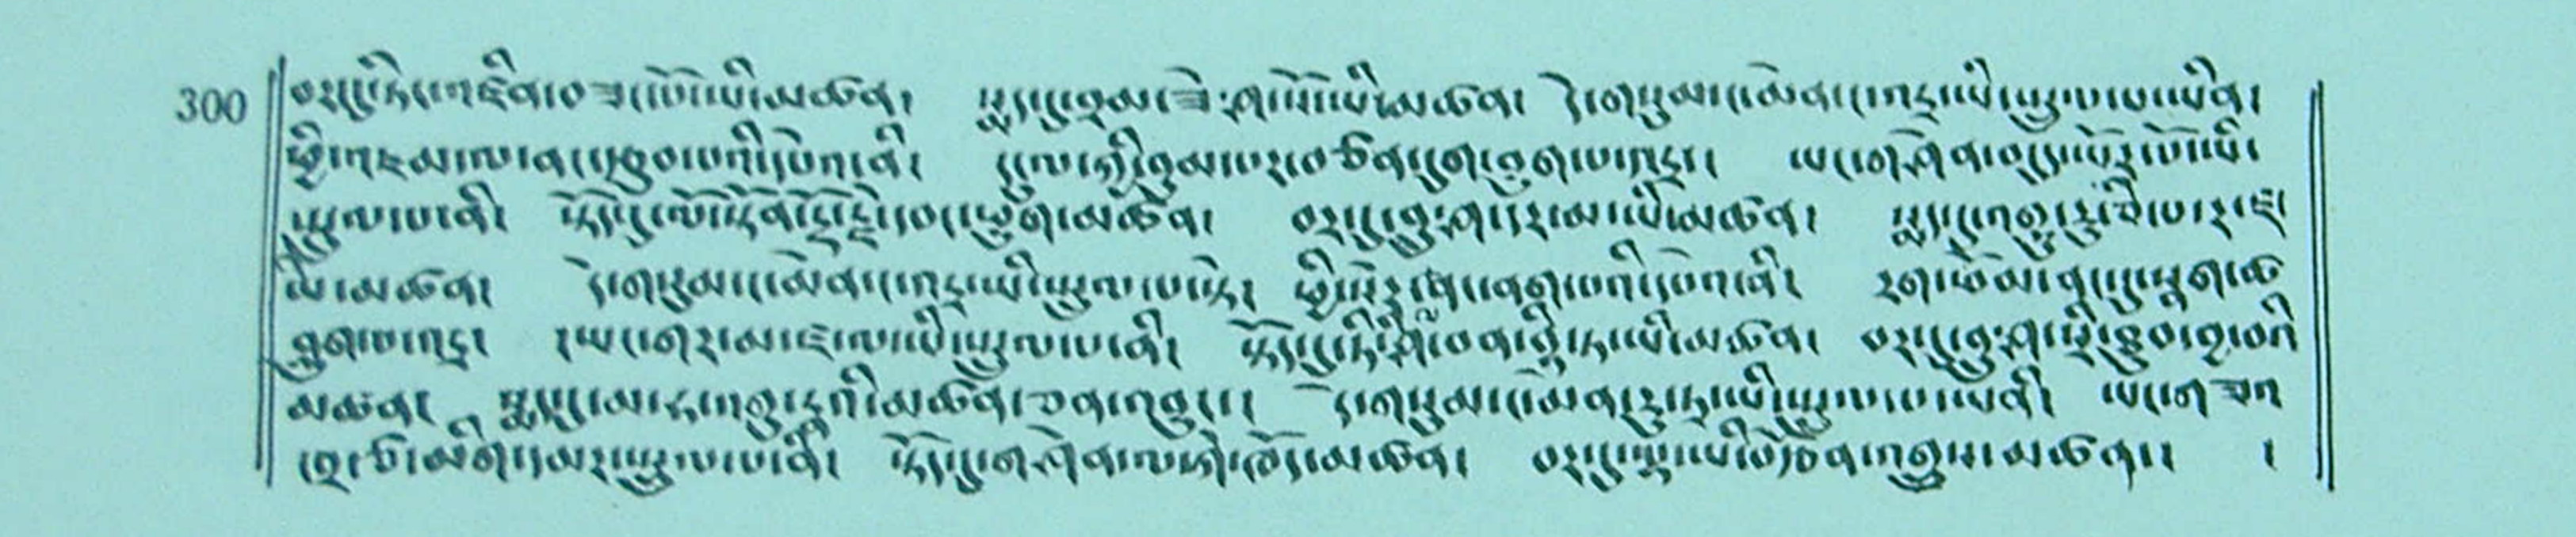བར་དུ་ཏིང་འཛིན་བཟང་པོའི་མཚན། སྨད་དུ་བྲམ་ཟེར་ཤ་སོའི་མཚན། དེ་གསུམ་ང་མིན་ང་འདྲ་ཡི་སྤྲུལ་པ་ཡིན། 
ཕྱི་འཇམ་ནང་དུ་རྩུབ་པའི་དཔེ་ནི། དངུལ་གྱི་བུམ་བར་བཙན་དུག་བྱུག་པ་འདྲ། ཡང་གཤེན་བདུད་ཡོར་པོའི་
སྤྲུལ་པ་ནི། སྟོད་དུ་ལོ་སྟོན་རྡོ་རྗེ་དབང་ཕྱུག་མཚན། བར་དུ་བྲུ་ཤ་དར་མ་ཡི་མཚན། སྨད་དུ་འགུ་རུ་ཅི་པར་རྫ་
ཡི་མཚན། དེ་གསུམ་ང་མིན་ང་འདྲའི་སྤྲུལ་པ་ཡིན། ཕྱི་སེར་ལ་ནང་ནག་པའི་དཔེ་ནི། རམ་ཕོམ་ནང་དུ་སྣག་ཚ་
བླུག་པ་འདྲ། ཡང་ཀར་མ་ཛ་ལའི་སྤྲུལ་པ་ནི། སྟོད་དུ་ཏི་ཤ་བན་བྷི་ཏ་ཡི་མཚན། བར་དུ་བྲུ་ཤ་སྲི་ཐུབ་བྱ་བའི་
མཚན། སྨད་དུ་མ་ཧ་འགྷུ་རྣའི་མཚན་ཅན་འབྱུང་། དེ་གསུམ་ང་མིན་རུ་ཏྲའི་སྤྲུལ་པ་ཡིན། ཡང་གཟའ་
ཁྲ་ཙ་མིག་དམར་སྤྲུལ་པ་ནི། སྟོད་དུ་གཤེན་ལ་ཀེ་ཁོད་མཚན། བར་དུ་ལྷ་ཡི་བརྩོན་འགྲུས་མཚན།